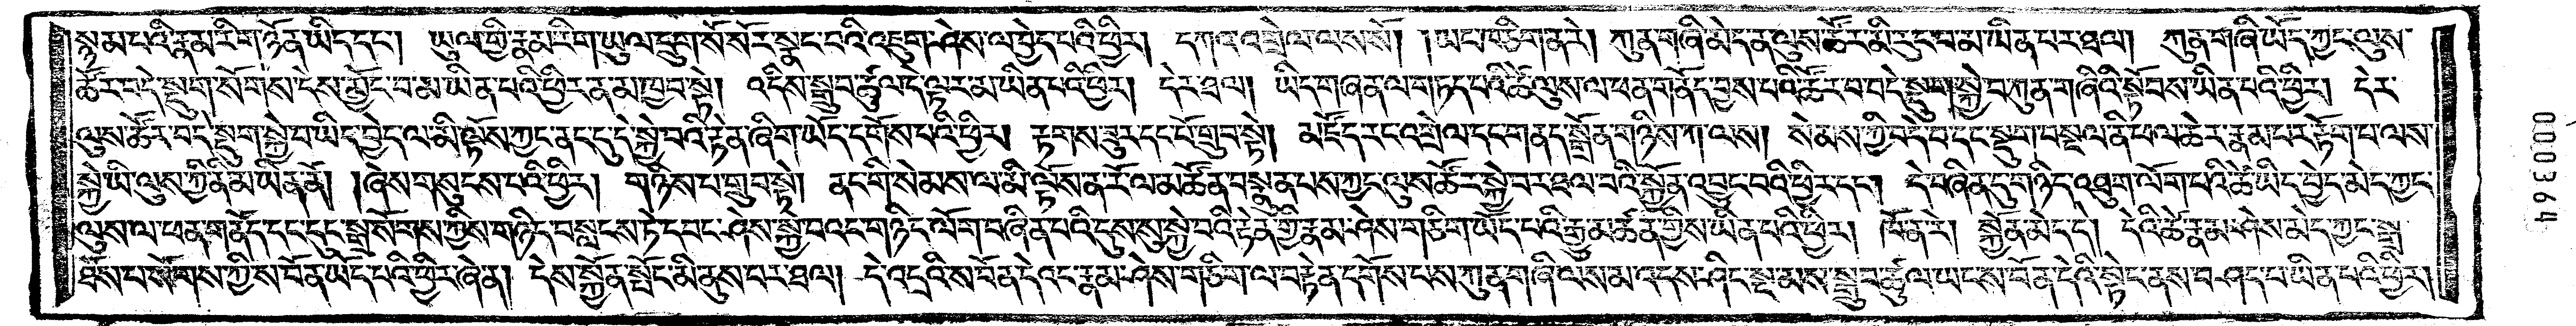སྙམ་པའི་རྣམ་རིག་ཉོན་ཡིད་དང་། ཡུལ་གྱི་རྣམ་རིག་ཡུལ་དྲུག་སོ་སོར་སྣང་བའི་འཇུག་ཤེས་ལ་བྱེད་པའི་ཕྱིར། དཀའ་འགྲེལ་ལས་སོ། །ཡང་ཁ་ཅིག་ན་རེ། ཀུན་གཞི་མེད་ན་ལུས་ཚོར་མི་རུང་བ་མ་ཡིན་པར་ཐལ། ཀུན་གཞི་ཡོད་ཀྱང་ལུས་
ཚོར་བདེ་སྡུག་སོགས་ངེས་མྱོང་བ་མ་ཡིན་པའི་ཕྱིར་ན་མ་ཁྱབ་སྟེ། འདིས་སྒྲུབ་ཚུལ་དེ་ལྟར་མ་ཡིན་པའི་ཕྱིར། དེར་ཐལ། ཡིད་གཞན་ལ་གཏད་པའི་ཚེ་ལུས་ལ་ཕན་གནོད་བྱས་པའི་ཚོར་བ་བདེ་སྡུག་སྐྱེ་བ་ཀུན་གཞིའི་སྟོབས་ཡིན་པའི་ཕྱིར། དེར་
ལུས་ཚོར་བདེ་སྡུག་སྐྱེ་བ་ཡིད་བྱེད་ལ་མི་ལྟོས་ཀྱང་ནང་དུ་དེ་སྐྱེ་བའི་རྟེན་ཞིག་ཡོད་དགོས་པའི་ཕྱིར། རྟགས་ཟུར་དང་པོ་གྲུབ་སྟེ། མཛོད་རང་འགྲེལ་དང་གནད་སྒྲོན་གཉིས་ཀ་ལས། སེམས་ཀྱི་བདེ་བ་དང་སྡུག་བསྔལ་ནི་ཕལ་ཆེར་རྣམ་པར་རྟོག་པ་ལས་
སྐྱེ་ཡི་ལུས་ཀྱི་ནི་མ་ཡིན་ནོ། །ཞེས་གསུངས་པའི་ཕྱིར། གཉིས་པ་གྲུབ་སྟེ། ནང་གི་སེམས་ལ་མི་ལྟོས་ན་རོ་ལ་མཚོན་བསྣུན་པས་ཀྱང་ལུས་ཚོར་སྐྱེ་བར་ཐལ་བའི་སྐྱོན་བྱུང་བའི་ཕྱིར་དང་། དེ་བཞིན་དུ་གཉིད་འཐུག་ལོག་པའི་ཚེ་ཡིད་བྱེད་མེད་ཀྱང་
ལུས་ལ་ཕན་གནོད་དང་དུང་སྒྲ་སོགས་ཀྱིས་གཉིད་བསླངས་ཏེ་དབང་ཤེས་སྐྱེ་བའང་གཉིད་ལོག་བཞིན་པའི་དུས་སུ་སྐྱེ་བའི་རྟེན་གྱི་རྣམ་ཤེས་གཅིག་ཡོད་པའི་རྒྱུ་མཚན་གྱིས་ཡིན་པའི་ཕྱིར། ཁོ་ན་རེ། སྐྱོན་མེད་དེ། དེའི་ཚེ་རྣམ་ཤེས་མེད་ཀྱང་སྒྲ་
ཐོས་པ་སོགས་ཀྱི་ས་བོན་ཡོད་པའི་ཕྱིར་ཞེ་ན། དེས་སྐྱོན་སྤོང་མི་ནུས་པར་ཐལ། དེ་འདྲའི་ས་བོན་དེའང་རྣམ་ཤེས་གཅིག་ལ་བརྟེན་དགོས་པས་ཀུན་གཞི་ལས་མ་འདས་ཤིང་སྔ་མས་སྒྲུབ་ཚུལ་ཡང་ས་བོན་དེའི་སྟེང་ནས་བཤད་པ་ཡིན་པའི་ཕྱིར།